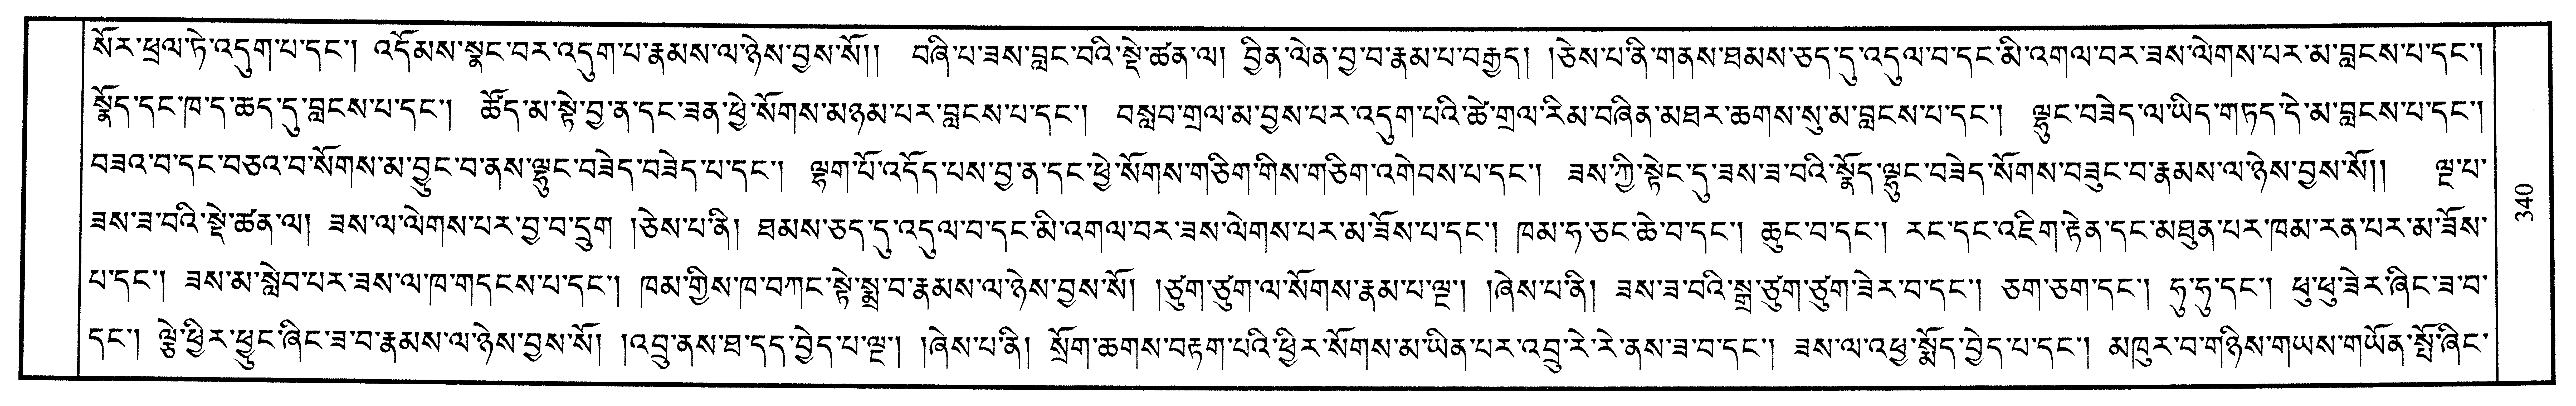སོར་ཕྲལ་ཏེ་འདུག་པ་དང་། འདོམས་སྣང་བར་འདུག་པ་རྣམས་ལ་ཉེས་བྱས་སོ།། བཞི་པ་ཟས་བླང་བའི་སྡེ་ཚན་ལ། བྱིན་ལེན་བྱ་བ་རྣམ་པ་བརྒྱད། །ཅེས་པ་ནི་གནས་ཐམས་ཅད་དུ་འདུལ་བ་དང་མི་འགལ་བར་ཟས་ལེགས་པར་མ་བླངས་པ་དང་།
སྣོད་དང་ཁ་ད་ཆད་དུ་བླངས་པ་དང་། ཚོད་མ་སྟེ་བྱ་ན་དང་ཟན་ཕྱེ་སོགས་མཉམ་པར་བླངས་པ་དང་། བསླབ་གྲལ་མ་བྱས་པར་འདུག་པའི་ཚེ་གྲལ་རིམ་བཞིན་མཐར་ཆགས་སུ་མ་བླངས་པ་དང་། ལྷུང་བཟེད་ལ་ཡིད་གཏད་དེ་མ་བླངས་པ་དང་།
བཟའ་བ་དང་བཅའ་བ་སོགས་མ་བྱུང་བ་ནས་ལྷུང་བཟེད་བཟེད་པ་དང་། ལྷག་པོ་འདོད་པས་བྱ་ན་དང་ཕྱེ་སོགས་གཅིག་གིས་གཅིག་འགེབས་པ་དང་། ཟས་ཀྱི་སྟེང་དུ་ཟས་ཟ་བའི་སྣོད་ལྷུང་བཟེད་སོགས་བཟུང་བ་རྣམས་ལ་ཉེས་བྱས་སོ།། ལྔ་པ་
ཟས་ཟ་བའི་སྡེ་ཚན་ལ། ཟས་ལ་ལེགས་པར་བྱ་བ་དྲུག །ཅེས་པ་ནི། ཐམས་ཅད་དུ་འདུལ་བ་དང་མི་འགལ་བར་ཟས་ལེགས་པར་མ་ཟོས་པ་དང་། ཁམ་ཧ་ཅང་ཆེ་བ་དང་། ཆུང་བ་དང་། རང་དང་འཇིག་རྟེན་དང་མཐུན་པར་ཁམ་རན་པར་མ་ཟོས་
པ་དང་། ཟས་མ་སླེབ་པར་ཟས་ལ་ཁ་གདངས་པ་དང་། ཁམ་གྱིས་ཁ་བཀང་སྟེ་སྨྲ་བ་རྣམས་ལ་ཉེས་བྱས་སོ། །ཙུག་ཙུག་ལ་སོགས་རྣམ་པ་ལྔ། །ཞེས་པ་ནི། ཟས་ཟ་བའི་སྒྲ་ཙུག་ཙུག་ཟེར་བ་དང་། ཅག་ཅག་དང་། ཧུ་ཧུ་དང་། ཕུ་ཕུ་ཟེར་ཞིང་ཟ་བ་
དང་། ལྕེ་ཕྱིར་ཕྱུང་ཞིང་ཟ་བ་རྣམས་ལ་ཉེས་བྱས་སོ། །འབྲུ་ནས་ཐ་དད་བྱེད་པ་ལྔ། །ཞེས་པ་ནི། སྲོག་ཆགས་བརྟག་པའི་ཕྱིར་སོགས་མ་ཡིན་པར་འབྲུ་རེ་རེ་ནས་ཟ་བ་དང་། ཟས་ལ་འཕྱ་སྨོད་བྱེད་པ་དང་། མཁུར་བ་གཉིས་གཡས་གཡོན་སྤོ་ཞིང་